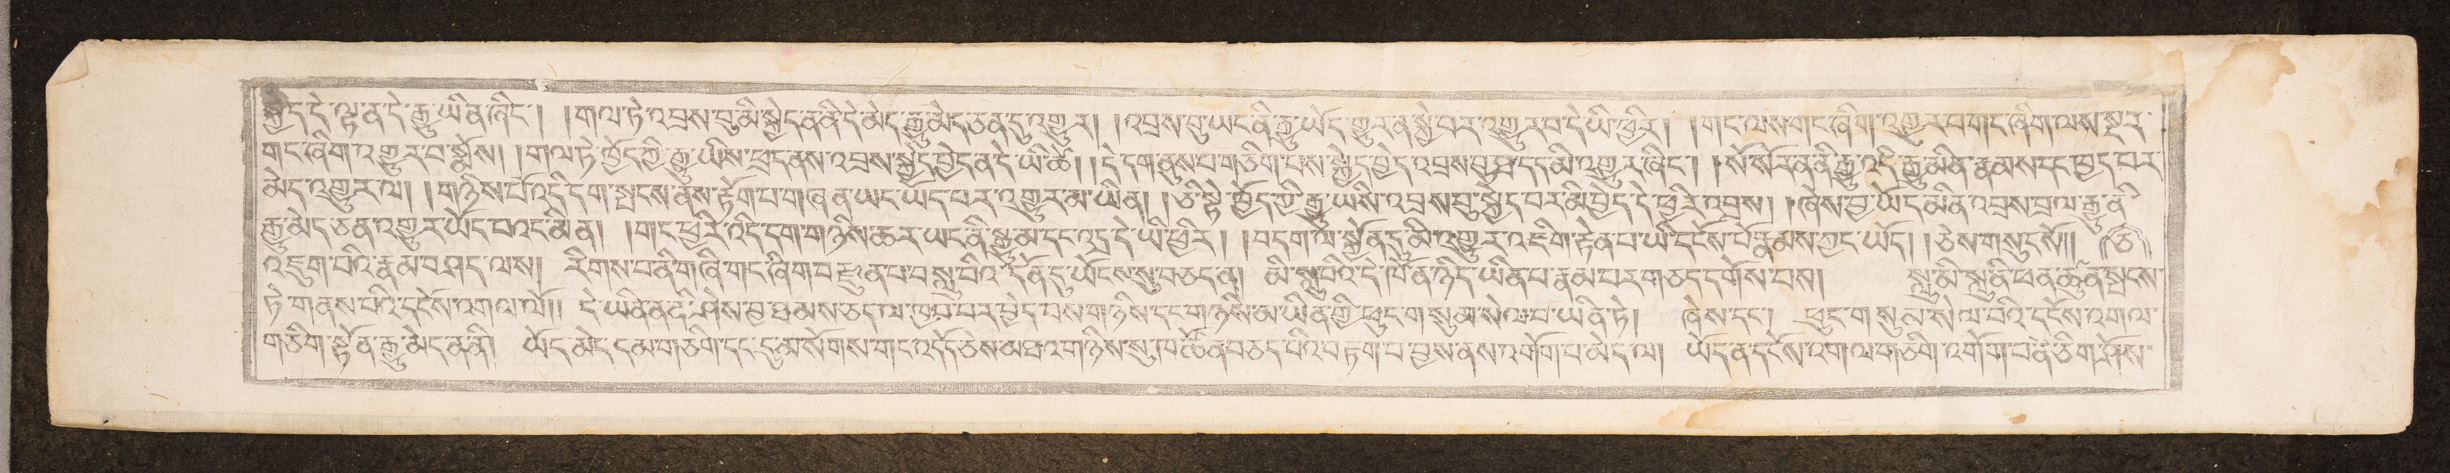སྐྱེད་དེ་ལྟ་ན་དེ་རྒྱུ་ཡིན་ཞིང་། །གལ་ཏེ་འབྲས་བུ་མི་སྐྱེད་ན་ནི་དེ་མེད་རྒྱུ་མེད་ཅན་དུ་འགྱུར། །འབྲས་བུ་ཡང་ནི་རྒྱུ་ཡོད་རྒྱུར་ན་སྐྱེ་བར་འགྱུར་བ་དེ་ཡི་ཕྱིར། །གང་ལས་གང་ཞིག་འགྱུར་བ་གང་ཞིག་ལས་སྔར་
གང་ཞིག་འགྱུར་བ་སྨོས། །གལ་ཏེ་ཁྱོད་ཀྱི་རྒྱུ་ཡིས་ཕྲད་ནས་འབྲས་སྐྱེད་བྱེད་ན་དེ་ཡི་ཚེ། །དེ་དག་ནུས་པ་གཅིག་པས་སྐྱེད་བྱེད་འབྲས་བུ་ཐ་དད་མི་འགྱུར་ཞིང་། །སོ་སོར་ན་ནི་རྒྱུ་འདི་རྒྱུ་མིན་རྣམས་དང་ཁྱད་པར་
མེད་འགྱུར་ལ། །གཉིས་པོ་འདི་དག་སྤངས་ནས་རྟོག་པ་གཞན་ཡང་ཡོད་པར་འགྱུར་མ་ཡིན། །ཅི་སྟེ་ཁྱོད་ཀྱི་རྒྱུ་ཡིས་འབྲས་བུ་སྐྱེད་པར་མི་བྱེད་དེ་ཕྱིར་འབྲས། །ཞེས་བྱ་ཡོད་མིན་འབྲས་བྲལ་རྒྱུ་ནི་
རྒྱུ་མེད་ཅན་འགྱུར་ཡོད་པའང་མིན། །གང་ཕྱིར་འདི་དག་གཉིས་ཆར་ཡང་ནི་སྒྱུ་མ་དང་འདྲ་དེ་ཡི་ཕྱིར། །བདག་ལ་སྐྱོན་དུ་མི་འགྱུར་འཇིག་རྟེན་པ་ཡི་དངོས་པོ་རྣམས་ཀྱང་ཡོད།། ཅེས་གསུངས།། ༼༽ཅ༼༽
འཇུག་པའི་རྣམ་བཤད་ལས། རིགས་པ་ནི་གཞི་གང་ཞིག་བརྫུན་པ་བསླུ་བའི་དོན་དུ་ཡོངས་སུ་བཅད་ན། མི་སླུ་བའི་དེ་ཁོ་ན་ཉིད་ཡིན་པ་རྣམ་པར་གཅད་དགོས་པསཟ། སླུ་མི་སླུ་ནི་ཕན་ཚུན་སྤངས་
ཏེ་གནས་པའི་དངོས་འགལ་ལོ།།དེ་ཡིན་ནི་ཤེས་བྱ་ཐམས་ཅད་ལ་ཁྱབ་པར་བྱེད་པས་གཉིས་དང་གཉིས་མ་ཡིན་གྱི་ཕུང་གསུམ་སེལ་བ་ཡིན་ཏེ། ཞེས་དང་། ཕུང་གསུམ་སེལ་བའི་དངོས་འགལ་
གཅིག་སྟོན་རྒྱུ་མེད་ན་ནི། ཡོད་མེད་དམ་གཅིག་དང་དུ་མ་སོགས་གང་འདོད་ཅེས་མཐའ་གཉིས་སུ་ཁ་ཚོན་བཅད་པའི་བརྟག་པ་བྱས་ནས་འགོག་པ་མེད་ལ། ཡོད་ན་དངོས་འགལ་གཅིག་འགོག་པ་ནི་ཅིག་ཤོས་